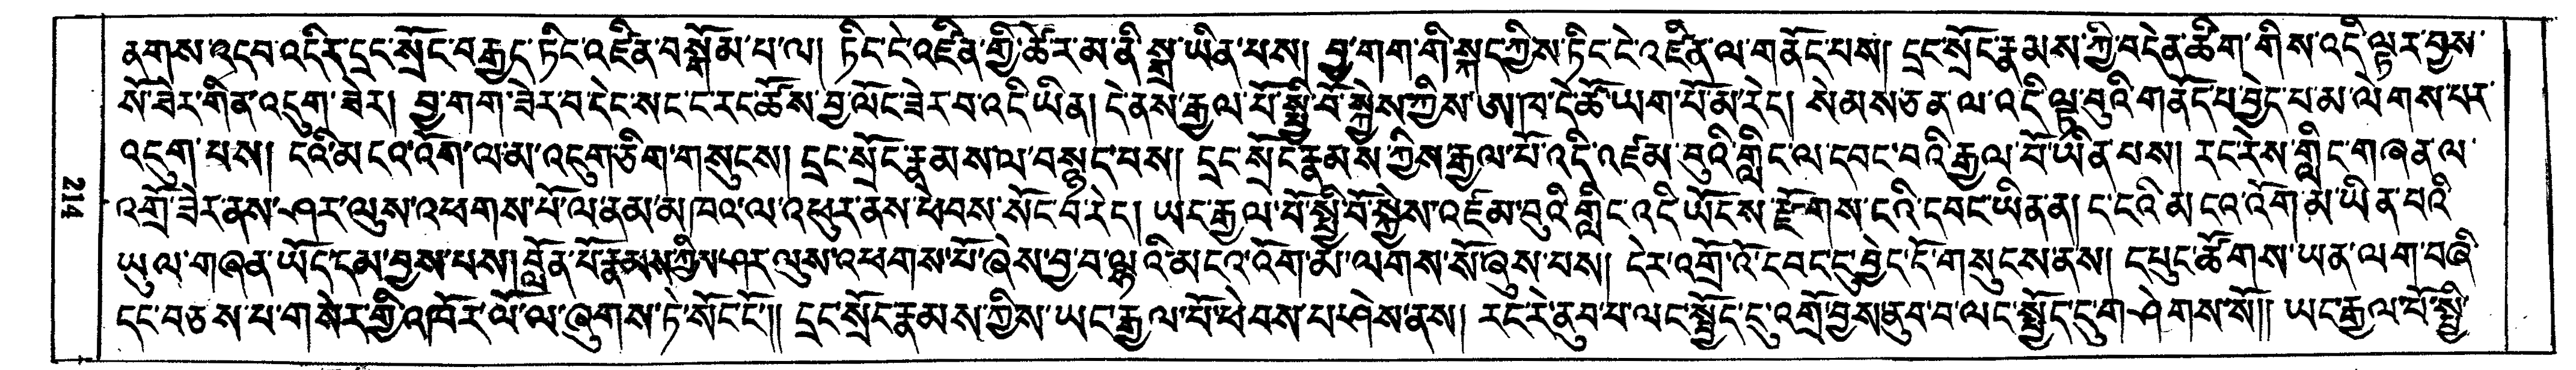ནགས་འདབ་འདིར་དྲང་སྲོང་བརྒྱད་ཏིང་འཛིན་བསྒོམ་པ་ལ། ཏིང་ངེ་འཛིན་གྱི་ཚེར་མ་ནི་སྒྲ་ཡིན་པས། བྱ་གག་གི་སྐད་ཀྱིས་ཏིང་ངེ་འཛིན་ལ་གནོད་པས། དྲང་སྲོང་རྣམས་ཀྱི་བདེན་ཚིག་གིས་འདི་ལྟར་བྱས་
སོ་ཟེར་གིན་འདུག་ཟེར། བྱ་གག་ཟེར་བ་དེང་སང་ང་རང་ཚོས་བྱ་ལོང་ཟེར་བ་འདི་ཡིན། དེ་ནས་རྒྱལ་པོ་སྤྱི་བོ་སྐྱེས་ཀྱིས་ཨ་ཁ་དེ་ཚོ་ཡག་པོ་མ་རེད། སེམས་ཅན་ལ་འདི་ལྟ་བུའི་གནོད་པ་བྱེད་པ་མ་ལེགས་པར་
འདུག་པས། ངའི་མངའ་འོག་ལ་མ་འདུག་ཅིག་གསུངས། དྲང་སྲོང་རྣམས་ལ་བསྙད་པས། དྲང་སྲོང་རྣམས་ཀྱིས་རྒྱལ་པོ་འདི་འཛམ་བུའི་གླིང་ལ་དབང་བའི་རྒྱལ་པོ་ཡིན་པས། རང་རེས་གླིང་གཞན་ལ་
འགྲོ་ཟེར་ནས་ཤར་ལུས་འཕགས་པོ་ལ་ནམ་མཁའ་ལ་འཕུར་ནས་ཕེབས་སོང་བ་རེད། ཡང་རྒྱལ་བོ་སྤྱི་བོ་སྐྱེས་འཛམ་བུའི་གླིང་འདི་ཡོངས་རྫོགས་ངའི་དབང་ཡིན་ན། ད་ངའི་མངའ་འོག་མ་ཡིན་པའི་
ཡུལ་གཞན་ཡོད་དམ་བྱས་པས། བློན་པོ་རྣམས་ཀྱིས་ཤར་ལུས་འཕགས་པོ་ཞེས་བྱ་བ་ལྷའི་མངའ་འོག་མ་ལགས་སོ་ཞུས་པས། དེར་འགྲོའོ་དབང་དུ་བྱེད་དོ་གསུངས་ནས། དཔུང་ཚོགས་ཡན་ལག་བཞི་
དང་བཅས་པ་གསེར་གྱི་འཁོར་ལོ་ལ་ཞུགས་ཏེ་སོང་ངོ། །དྲང་སྲོང་རྣམས་ཀྱིས་ཡང་རྒྱལ་པོ་ཕེབས་པ་ཤེས་ནས། རང་རེ་ནུབ་བ་ལང་སྤྱོད་དུ་འགྲོ་བྱས་ནུབ་བ་ལང་སྤྱོད་དུ་གཤེགས་སོ།། ཡང་རྒྱལ་པོ་སྤྱི་